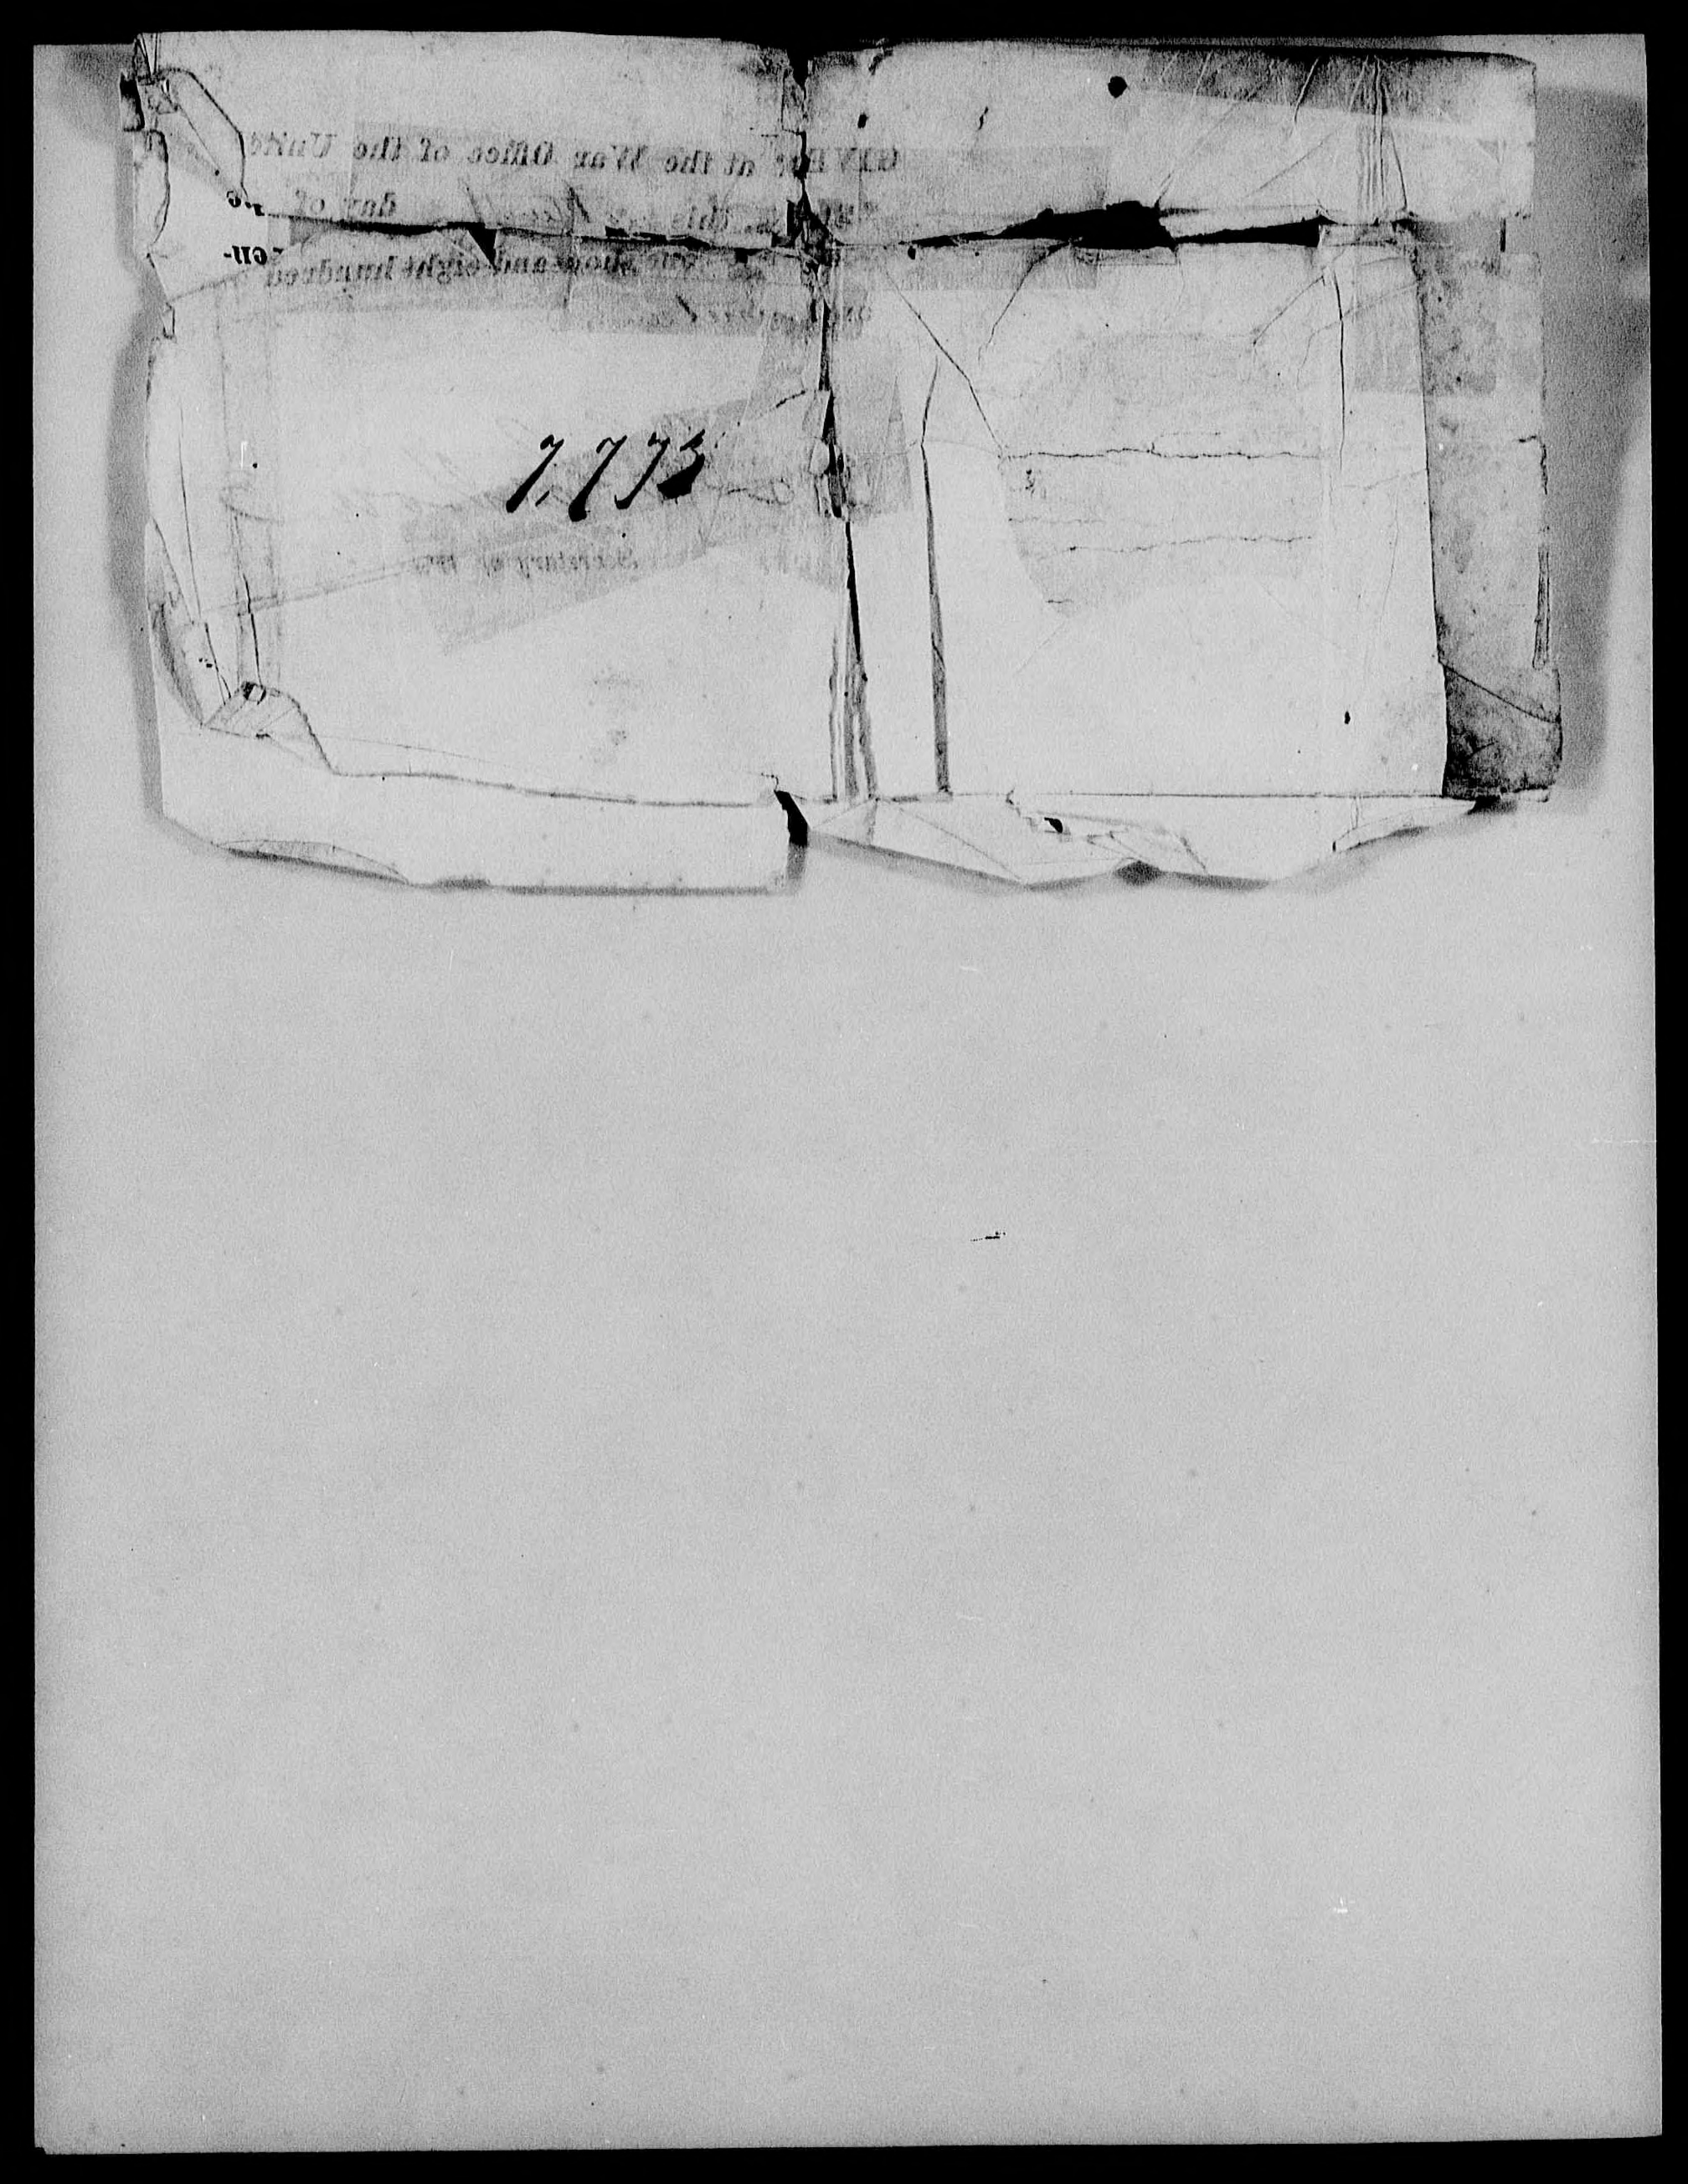Image 93          4160873_00093               
Fold3 File #23857259  

[Folded document-torn; reverse print bleeds through the paper]   7·773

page: 35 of 71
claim: widow's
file: W. 8428, for James Mc Gill, Pennsylvania